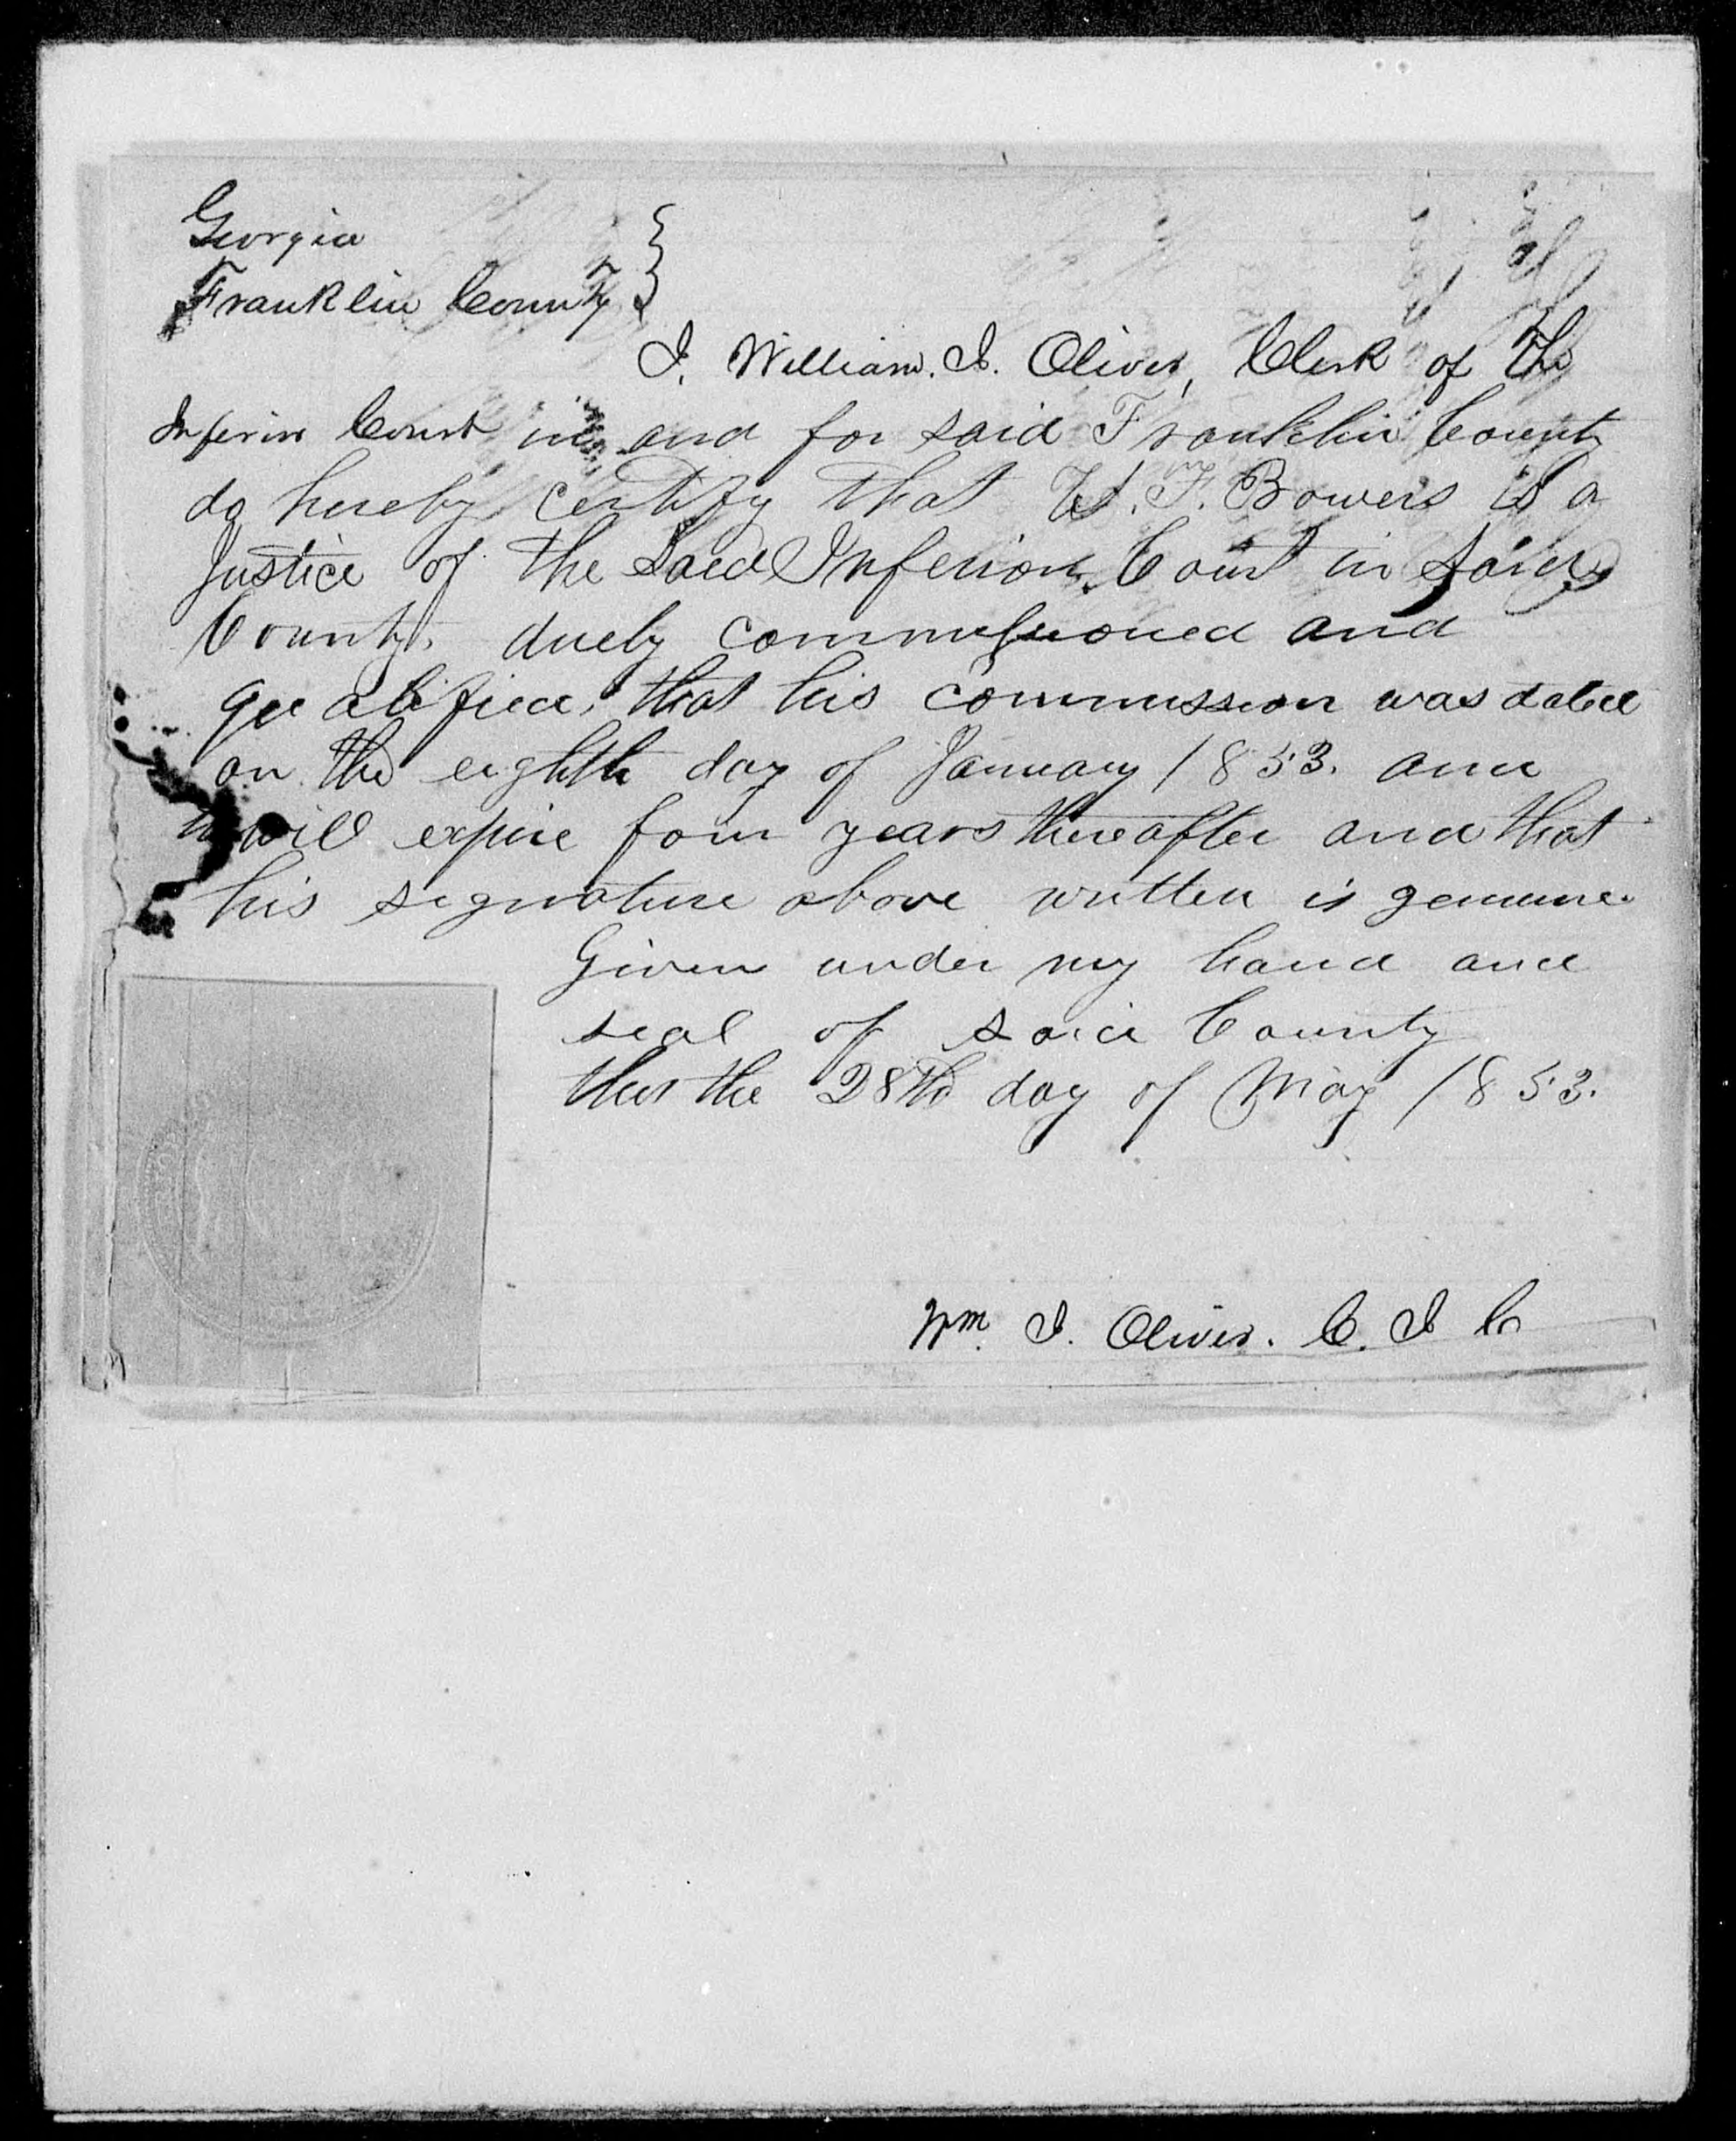Georgia}
Franklin County}

I, William J. Oliver, Clerk of this Inferior Court in and for said Franklin County do hereby certify that W.F.Bowers is a Justice of the said Inferior Court in said County, duely commissioned and  ga office, that his commission was dated on the eighth day of January 1853. and will expire four years thereafter and that his signature above within is genuine given under my hand and seal of said County this the 28th day of May 1853.

WM J Oliver. I.J.C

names: William J Oliver, Wm J Oliver, W F Bowers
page: 16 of 51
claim: widow's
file: W. 929, William Glover, N.C.